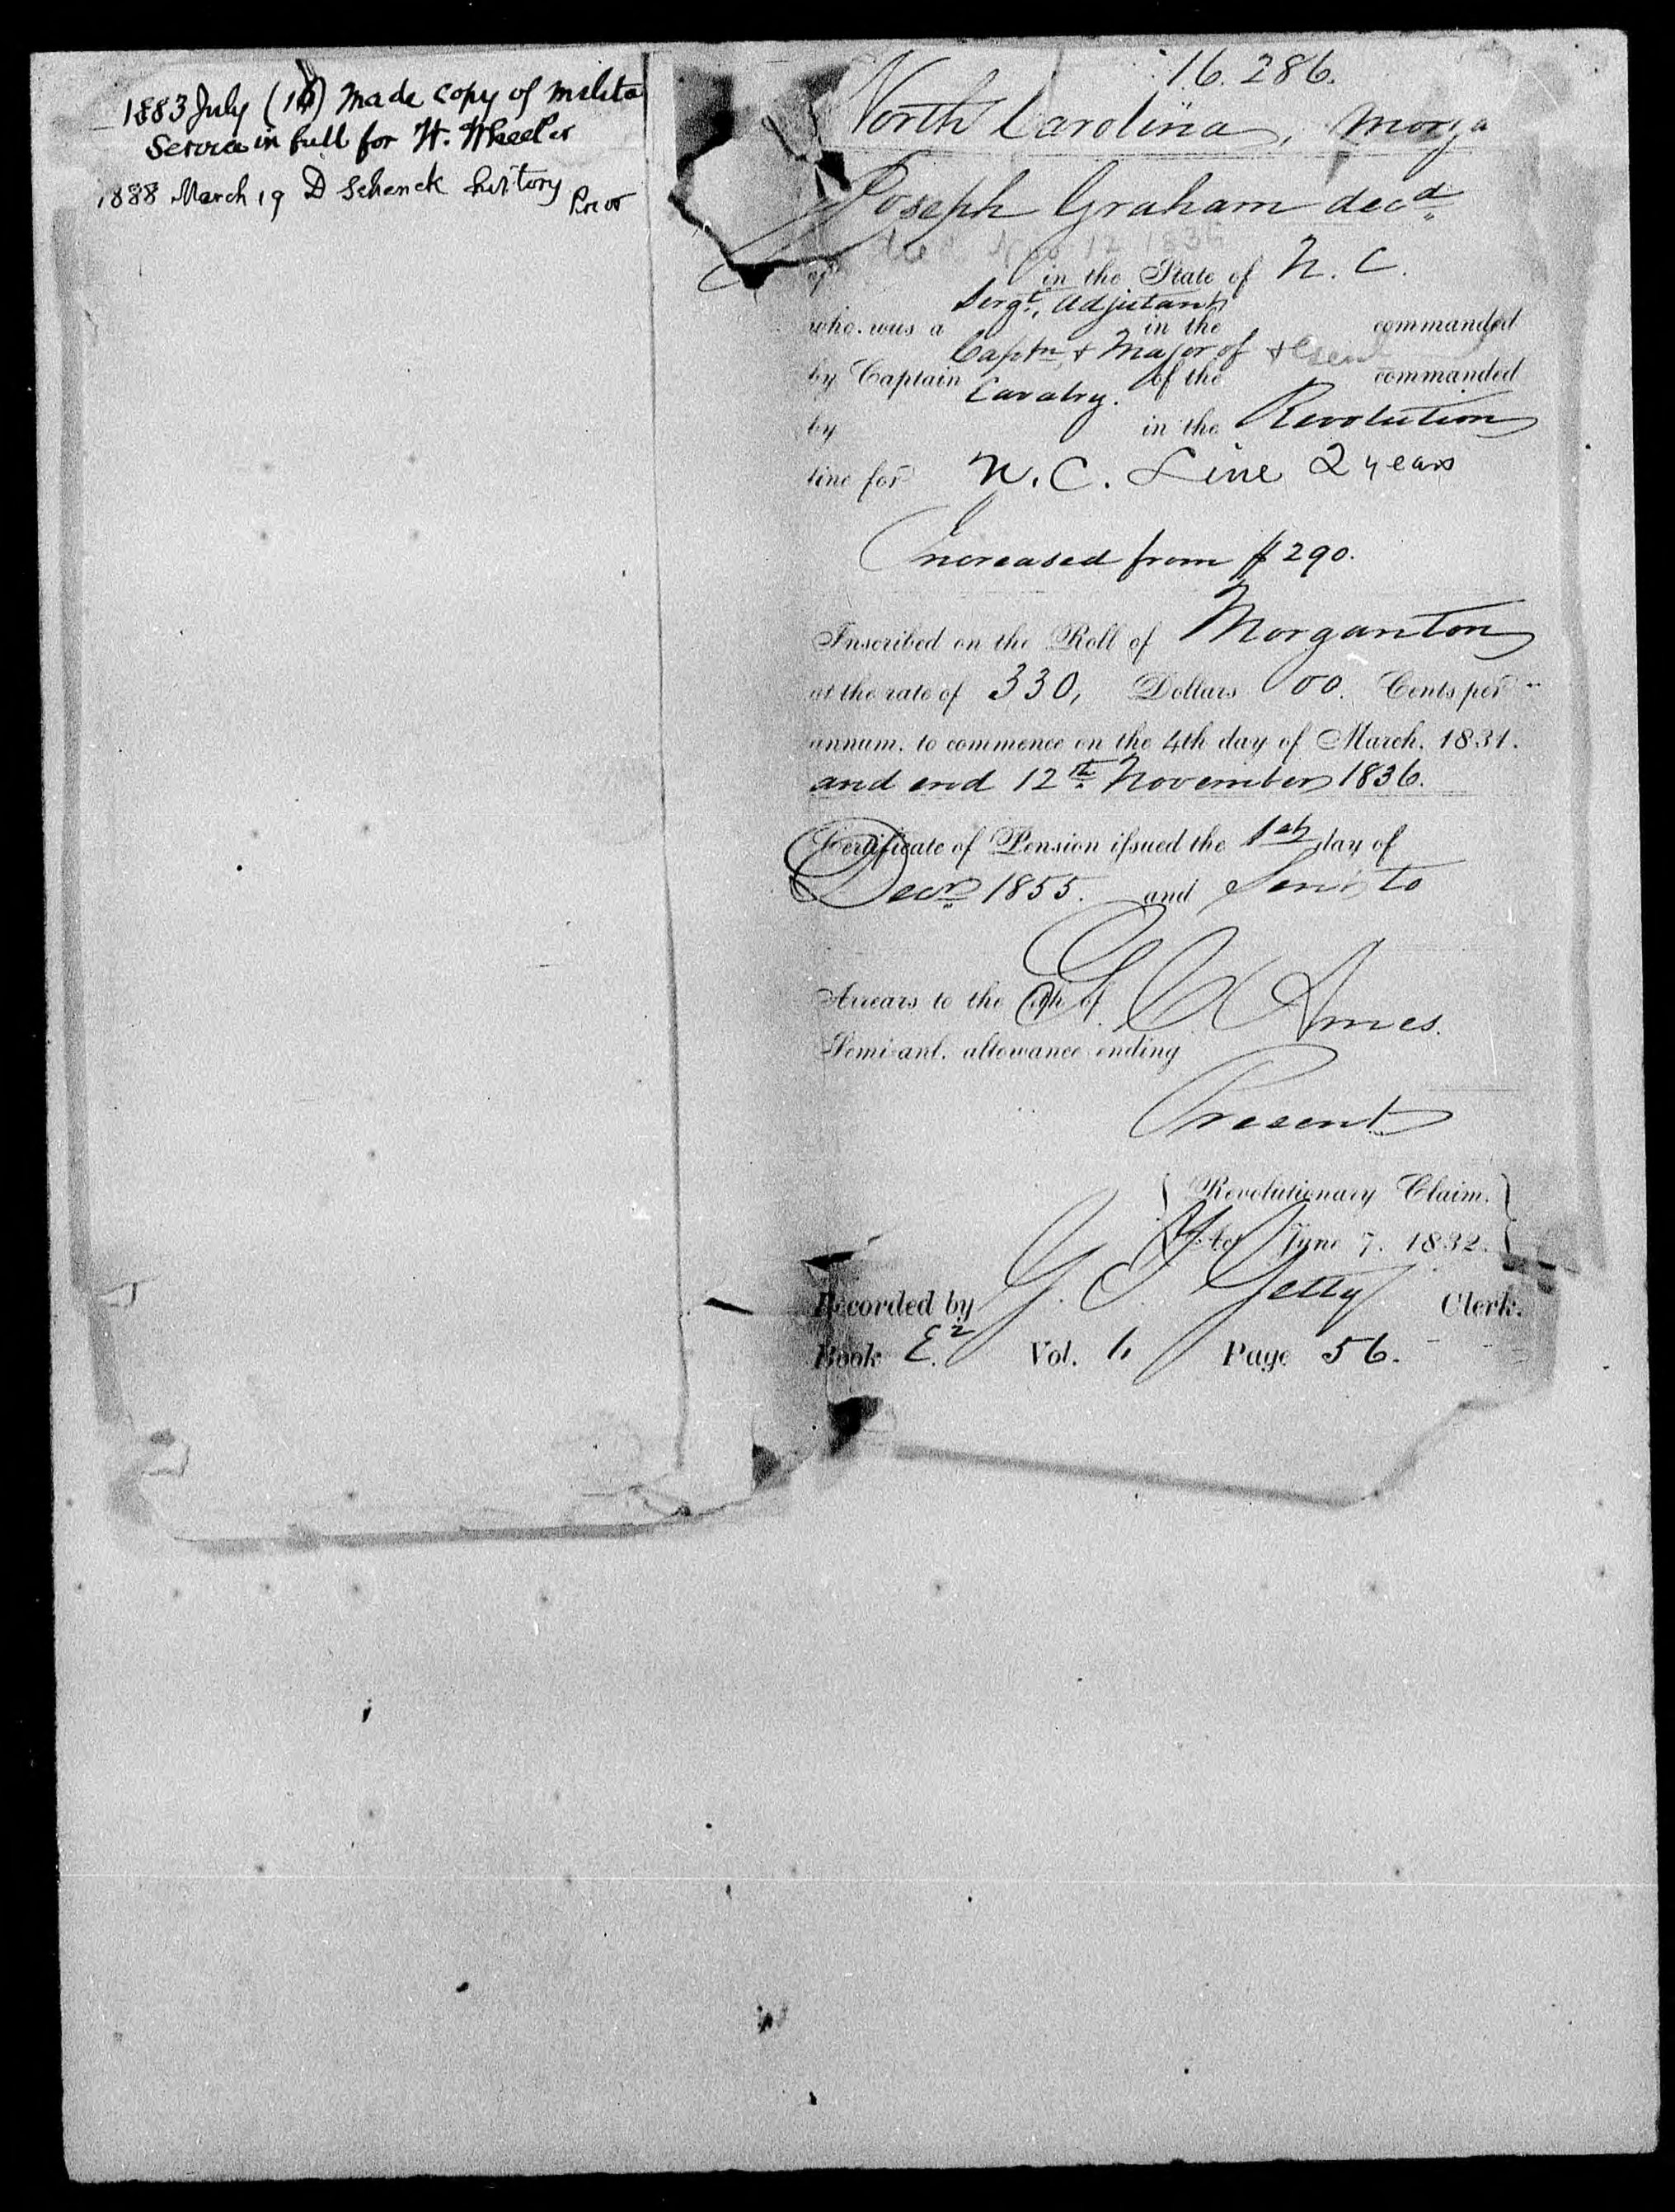1883 July (16) made copy of militia service in full for H. Wheeler'
1888 March 19 D. Schanck history PWT
16.286

North Carolina , Morganton
Joseph Graham dec'd
died Nov. 12 1836 in the State of N.C.
Serg't. Adjutant
who was a Captain & Major of & Gen'; of the commanded by Captain Cavalry of the commanded by   in the Revolutionary line for N. C. Line 2 years

Increased from $290.

Inscribed on the Roll of Morganton at the rate of 330 Dollars 00 Cents per annum, to commence on the 4th day of March, 1831. and end 12th November 1836.
Certificate of Pension issued the 1st day of Dec'r. 1855 and Sent to G. C. Ames, Present
Semi-anl. allowance ending

{Revolutionary Claim,}
{Act June 7, 1832.}
Recorded by G. T. Getty Clerk.
Book E2 Vol. 6 Page 56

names: Joseph Graham, W Wheeler, D Schanck, G C Ames, Carabry, G T Getty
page: 2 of 55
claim: survivor's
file: S. 6,937, Joseph Graham, N.C.